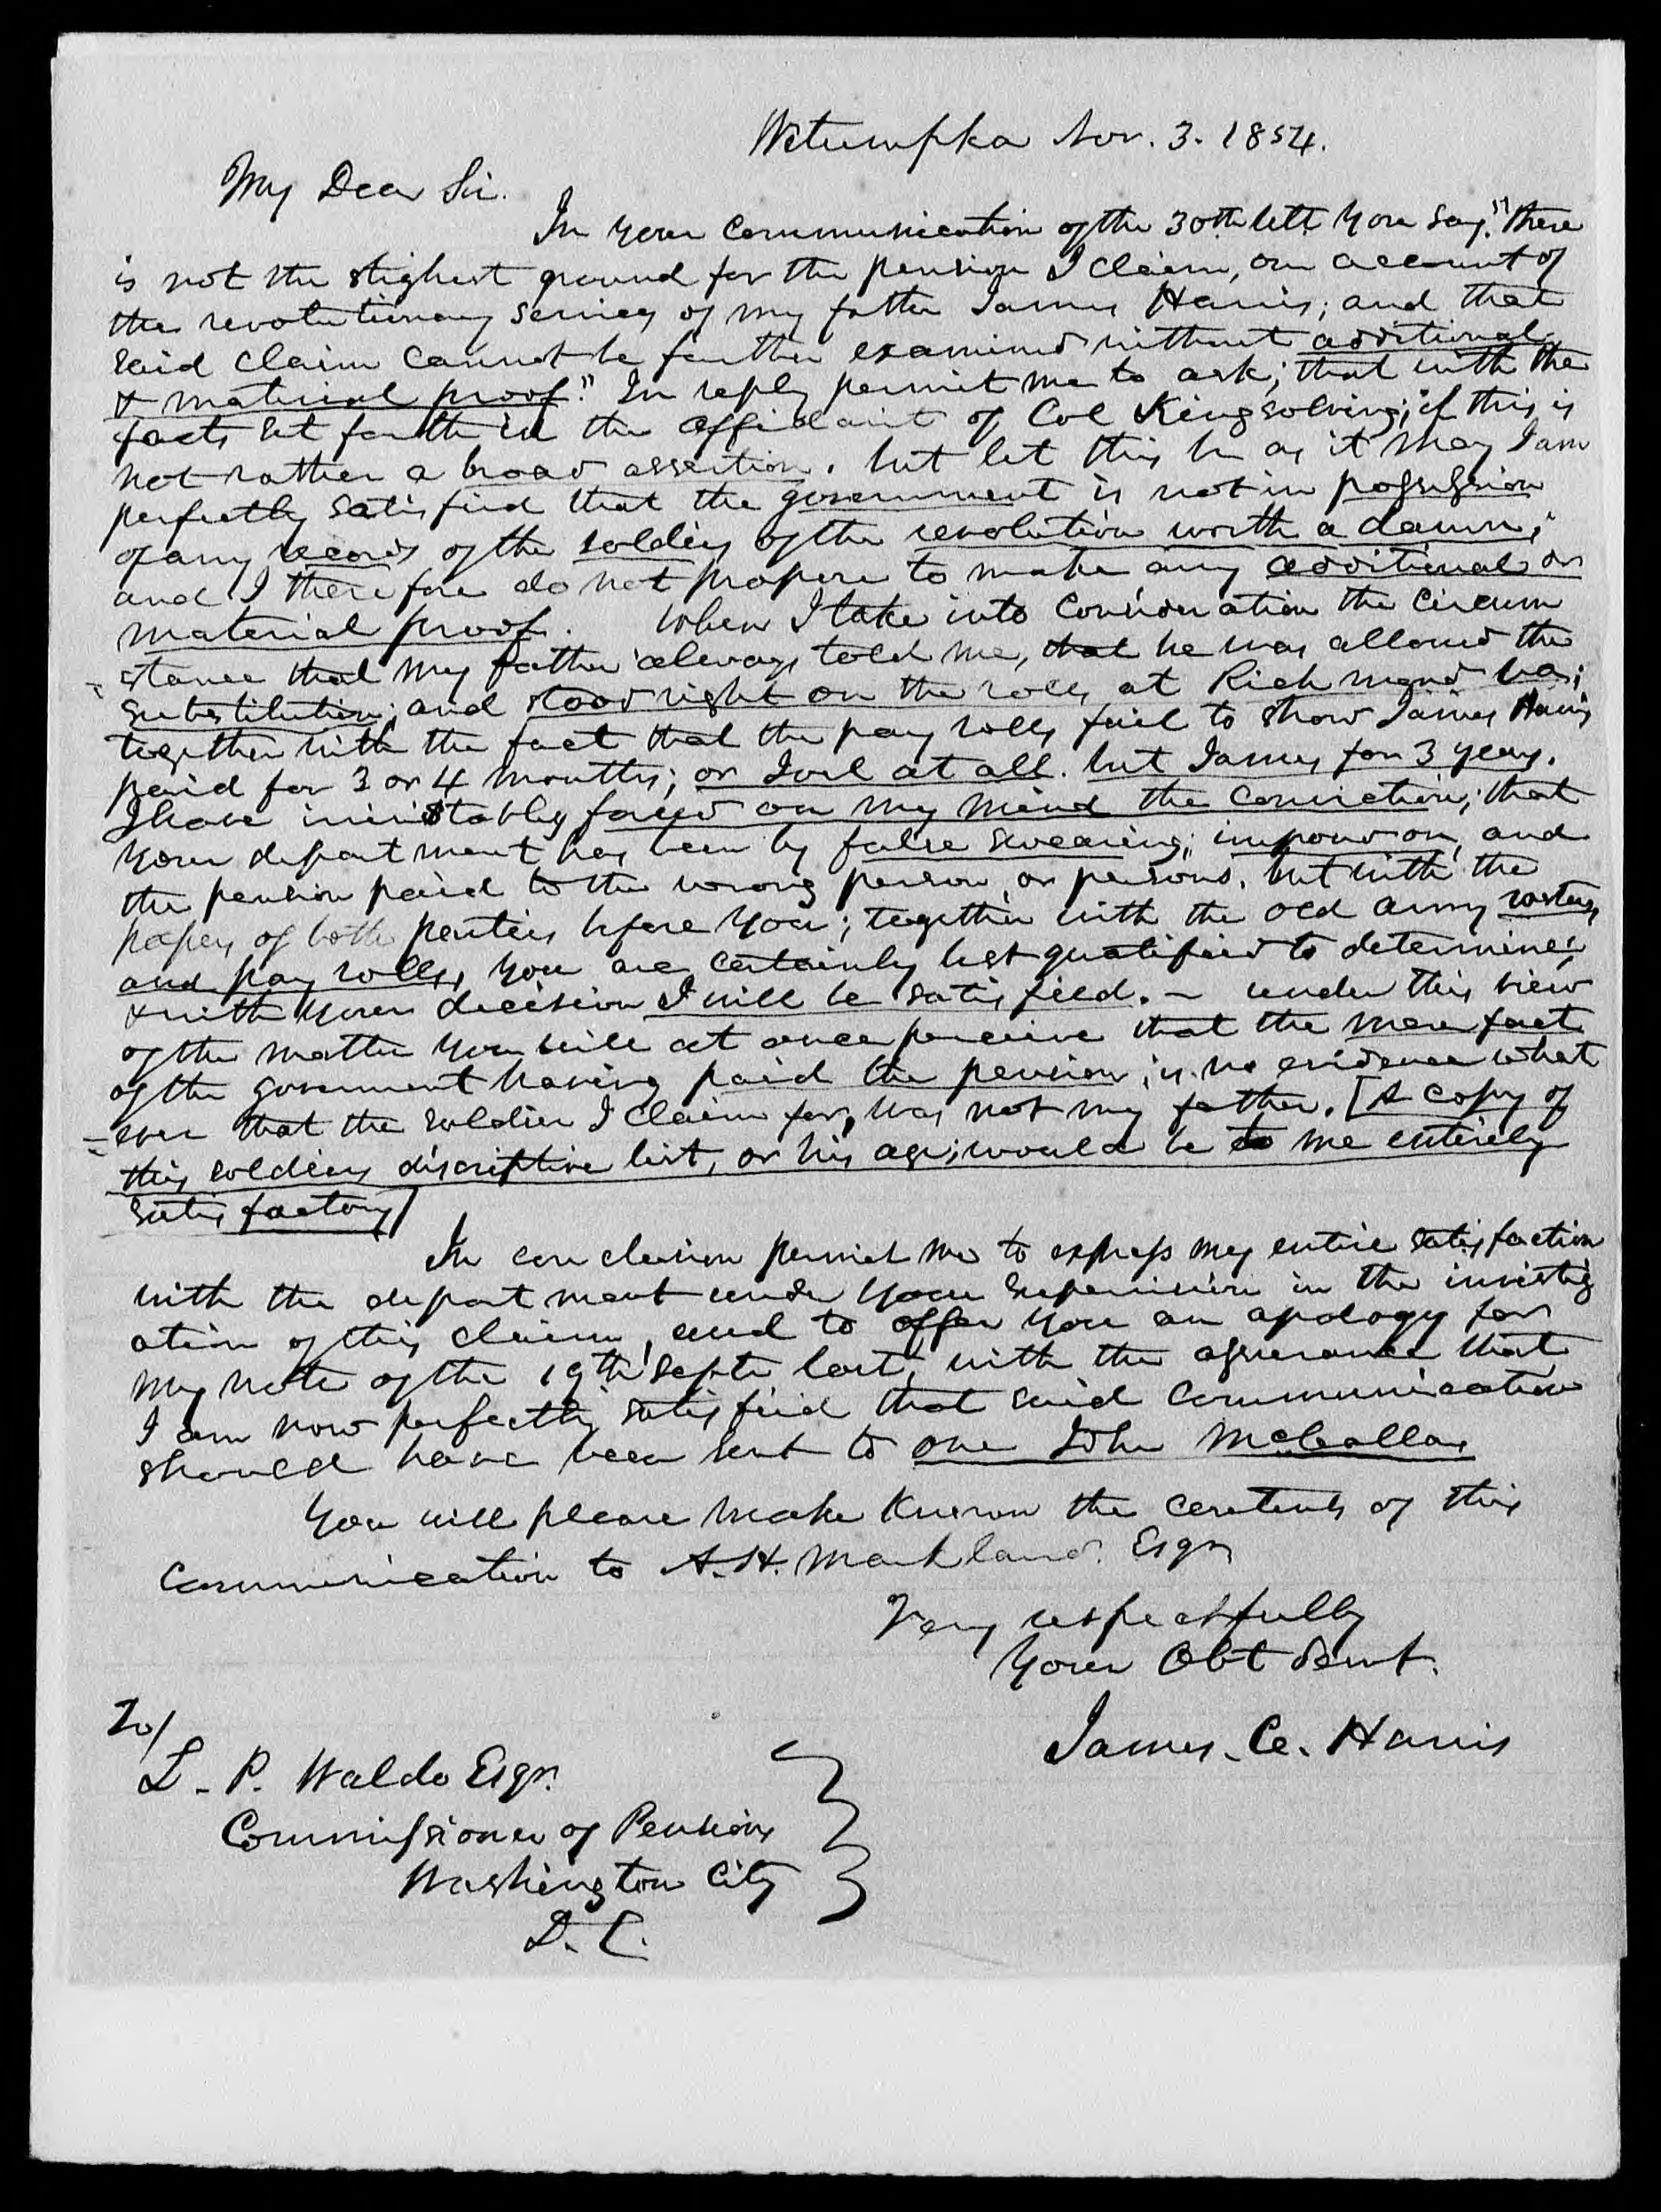Wetumpka Nov 3, 1854

My Dear Sir.
In your communication of the 30th ult. you say "there is not the slightest ground for the pension I claim on account of the revolutionary service of my father James Harris, and that said claim cannot be further examined without additional & material proof." In reply, permit me to ask; that with the facts set forth in the affidavit of Col Kingsolving, if this is not rather a broad assertion. But let this be as it may I am perfectly satisfied that the government is not is possession of any record of the soldiers of the revolution worth a damn, and I therefore do not propose to make any additional or material proof.  When I take into consideration the circumstance that my father always told me, that he was allowed the substitution and stood right on the roll, at Richmond Va, together with the fact that the pay rolls fail to show James Harris paid for 3  or 4 months, or Joel at all, but James for 3 years, I have [?}-tably forced on my mind the conviction that your department has been by false swearing, [?] on, and the pension paid to the wrong person or persons, but with the papers of both parties before you, together with the old army rosters and pay rolls, you are certainly best qualified to determine & with your decision I will be satisfied.--under this view of the matter you will at once perceive that the mere fact of the government having paid the pensions is no evidence whatever that the soldier I claim for was not my father. (A copy of this soldiers discription list, or his age, would be to me entirely satisfactory.)
In conclusion permit me to express my entire satisfaction with the department under your supervisor in the investigation of this claim, and to offer you an apology for my note of the 19th Sept last, with the assurance that I am now perfectly satisfied that said communication should have been sent to one John McClellan.
You will please make known the contents of this communication to A. H. Markland, Esqr.
Very respectfully
Your Obt Servt
James C. Harris.

To/
L. P. Waldo Esqr
Commissioner of Pensions
Washington City
D.C.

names: Kingsolving, James Harris, James, L P Waldo, Joel, James Harris, A H Markland, James C Harris, John Mc Calla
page: 92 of 160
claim: rejected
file: R. 4666, James Harris, Va.